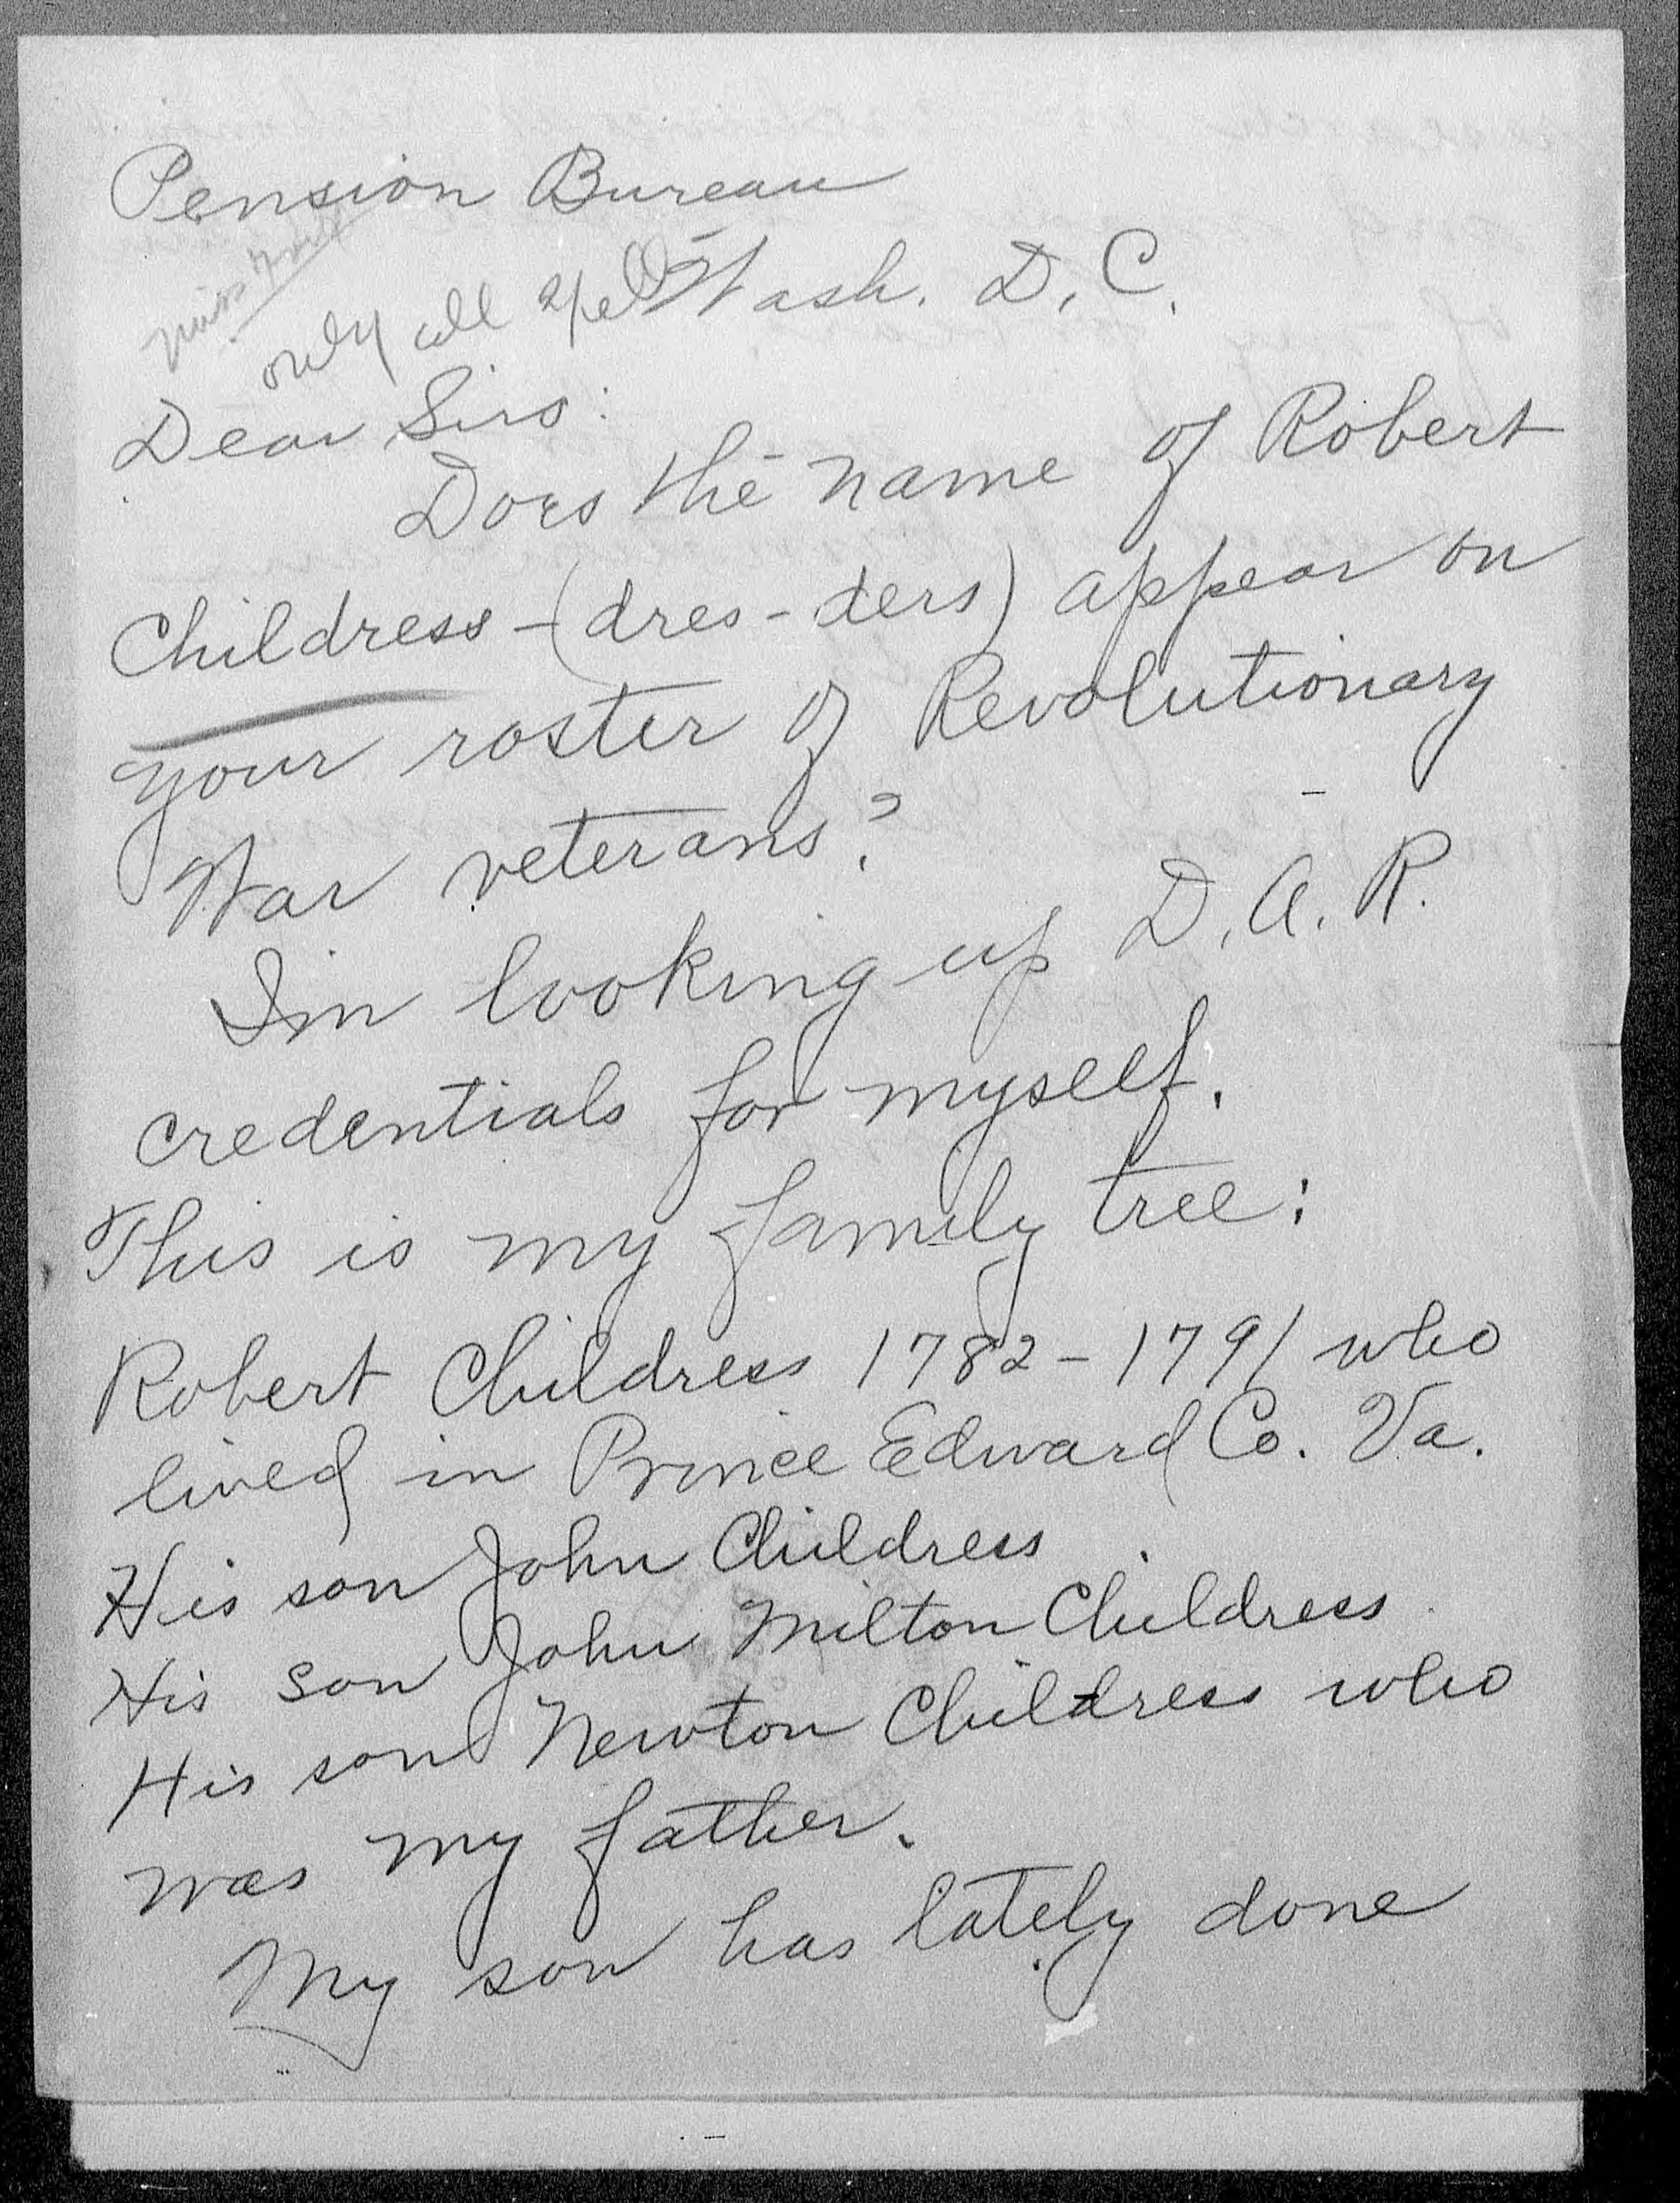Pension Bureau
[illegible] Wash. D.C
Dear Sirs
Does the name of
Robert Childress-(dres-ders) appear on your roster of Revolutionary War veterans?
In looking up D.A.R credentials for myself.
This is my family tree:
Robert Childress 1782 - 1791 who
lived in Prince Edward Co. Va
his son John Childress
his son John Milton Childress
his son Newton Childress who was my father.
my son has lately done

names: Newton Childress, Robert Childress, Robert Childres, Robert Childers, John Childress, Robert Childress, John Milton Childress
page: 21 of 25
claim: rejected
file: R. 1929, Robert Childress, Va